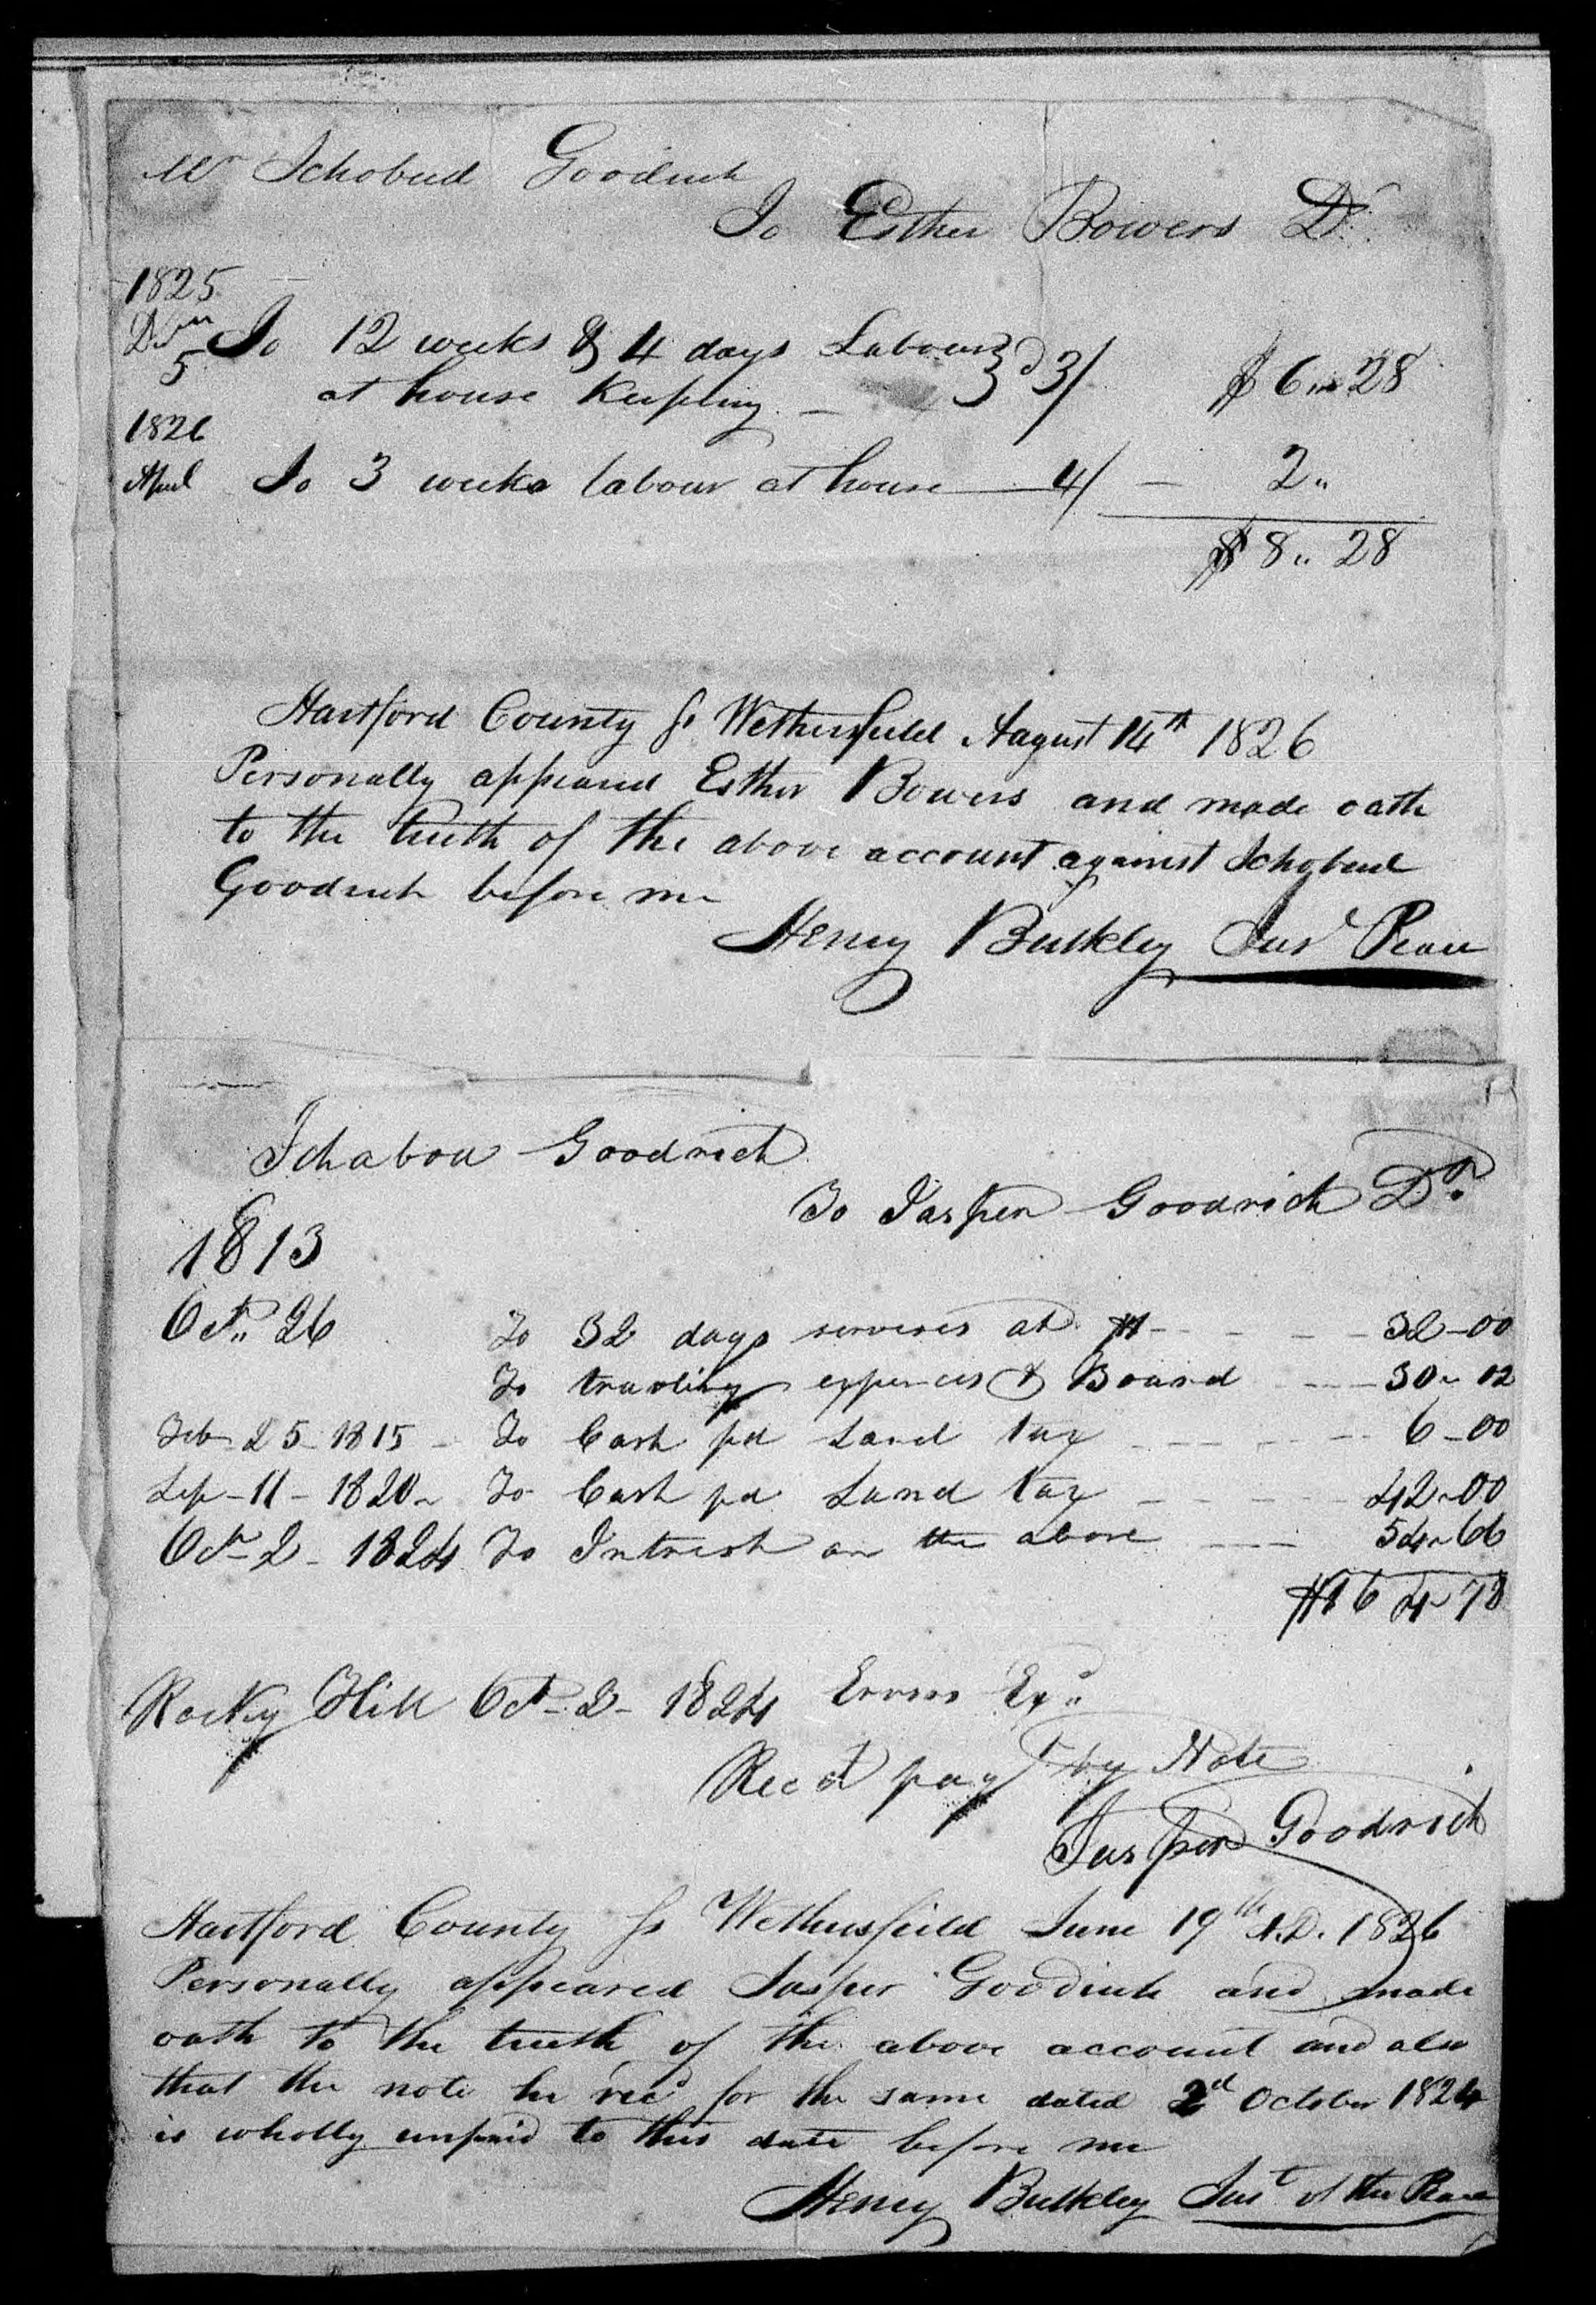Mr. Ichabod Goodrich
To Esther Bowers D
1825 [illegible month] 5
12 weeks & 4 days labor at house keeping 3/    $6.28

1826 April    3 weeks labor at house 4/   $2.00
_______
$8.28


Hartford County Ss Wethersfield August 14th 1826
Personally appeared Esther Bowers and made oath to the truth of the above account against Ichabod Goodrich before me.
Henry Bulkley, Just Peace


Ichabod Goodrich
to Jasper Goodrich, D

1813 Oct 26  32 days services at [illegible]   $32.00
to trading expense & board   $30.00
Feb 25 1815 To Cash pd land tax   $6.00
Sep 11 1826 to Cash pd land tax  $42.00
Oct 2 1824 to Interest on the above $54.66
_____________
$164.78


Rocky Hill Oct 2 1824 
Recd pay by Note
Jasper Goodrich

Hartford County Ss Wethersfield June 19th AD 1826
Personally appeared Jasper Goodrich and made oath to the truth of the above account and also that the note he recd for the same dated 2nd October 1824 is wholly unpaid to this date before me.
Henry Bulkley Just of the Peace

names: Ichobud Goodrich, Esther Bowers, Henry Bulkley, Jasper Goodrich, Ichobud Goodrich, Ichabod Goodrich, Jasper Goodrich, Henry Bulkley, Jasper Goodrich, Esther Bowers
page: 39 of 46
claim: survivor's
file: S. 36,556, Ichabod Goodrich, Conn.